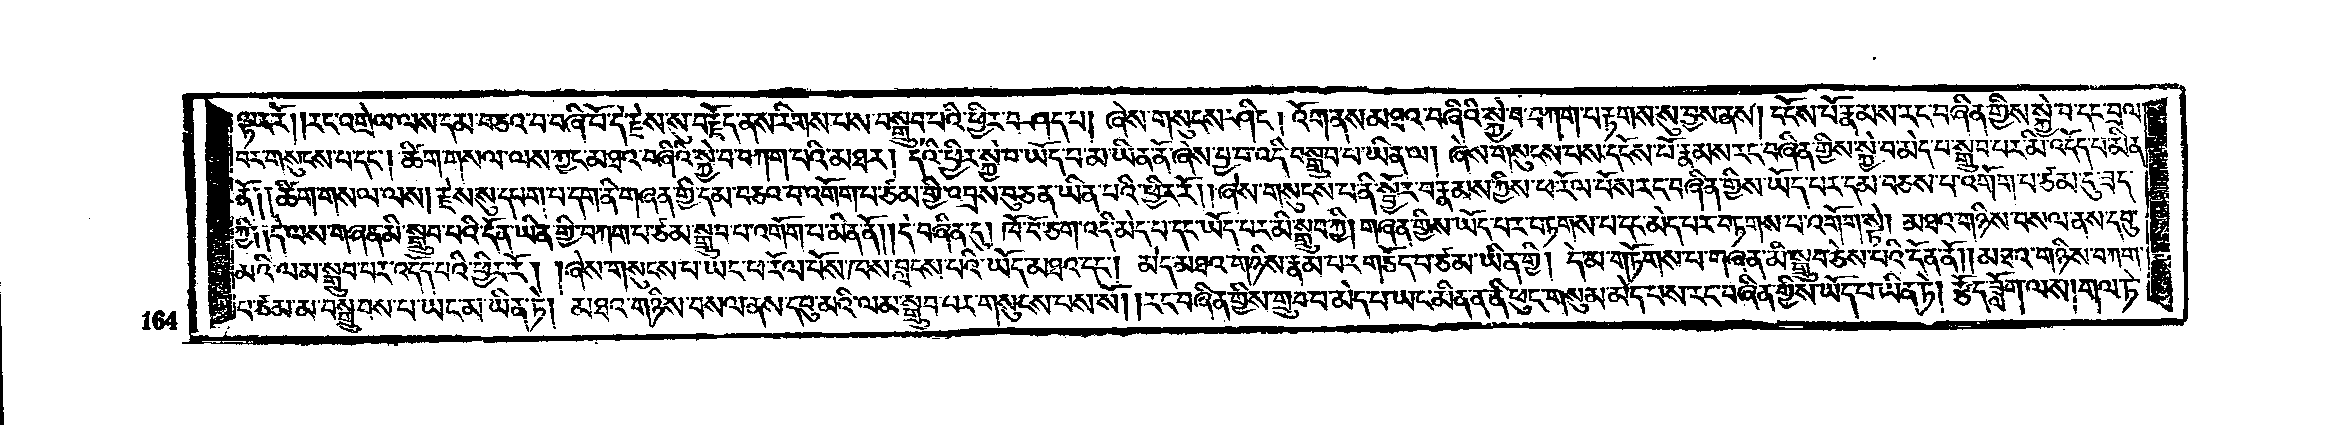ལྟར་རོ། །རང་འགྲེལ་ལས་དམ་བཅའ་བ་བཞི་པོ་དེ་རྗེས་སུ་བརྗོད་ནས་རིགས་པས་བསྒྲུབ་པའི་ཕྱིར་བཤད་པ། ཞེས་གསུངས་ཤིང་། འོག་ནས་མཐའ་བཞིའི་སྐྱེ་བ་བཀག་པ་རྟགས་སུ་བྱས་ནས། དངོས་པོ་རྣམས་རང་བཞིན་གྱིས་སྐྱེ་བ་དང་བྲལ་
བར་གསུངས་པ་དང་། ཚིག་གསལ་ལས་ཀྱང་མཐའ་བཞིའི་སྐྱེ་བ་བཀག་པའི་མཐར། དེའི་ཕྱིར་སྐྱེ་བ་ཡོད་པ་མ་ཡིན་ནོ་ཞེས་བྱ་བ་འདི་བསྒྲུབ་པ་ཡིན་ལ། ཞེས་གསུངས་པས་དངོས་པོ་རྣམས་རང་བཞིན་གྱིས་སྐྱེ་བ་མེད་པ་སྒྲུབ་པར་མི་འདོད་པ་མིན་
ནོ། །ཚིག་གསལ་ལས། རྗེས་སུ་དཔག་པ་དག་ནི་གཞན་གྱི་དམ་བཅའ་བ་འགོག་པ་ཙམ་གྱི་འབྲས་བུ་ཅན་ཡིན་པའི་ཕྱིར་རོ། །ཞེས་གསུངས་པ་ནི་སྦྱོར་བ་རྣམས་ཀྱིས་ཕ་རོལ་པོས་རང་བཞིན་གྱིས་ཡོད་པར་དམ་བཅས་པ་འགོག་པ་ཙམ་དུ་ཟད་
ཀྱི། །དེ་ལས་གཞན་མི་སྒྲུབ་པའི་དོན་ཡིན་གྱི་བཀག་པ་ཙམ་སྒྲུབ་པ་འགོག་པ་མིན་ནོ། །དེ་བཞིན་དུ། ཁོ་བོ་ཅག་འདི་མེད་པ་དང་ཡོད་པར་མི་སྒྲུབ་ཀྱི། གཞན་གྱིས་ཡོད་པར་བཏགས་པ་དང་མེད་པར་བཏགས་པ་འགོག་སྟེ། མཐའ་གཉིས་བསལ་ནས་དབུ་
མའི་ལམ་སྒྲུབ་པར་འདོད་པའི་ཕྱིར་རོ། །ཞེས་གསུངས་པ་ཡང་ཕ་རོལ་པོས་ཁས་བླངས་པའི་ཡོད་མཐའ་དང་། མེད་མཐའ་གཉིས་རྣམ་པར་གཅོད་པ་ཙམ་ཡིན་གྱི། དེ་མ་གཏོགས་པ་གཞན་མི་སྒྲུབ་ཅེས་པའི་དོན་ནོ། །མཐའ་གཉིས་བཀག་
པ་ཙམ་མ་བསྒྲུབས་པ་ཡང་མ་ཡིན་ཏེ། མཐའ་གཉིས་བསལ་ནས་དབུ་མའི་ལམ་སྒྲུབ་པར་གསུངས་པས་སོ། །རང་བཞིན་གྱིས་གྲུབ་པ་མེད་པ་ཡང་མིན་ན་ནི་ཕུང་གསུམ་མེད་པས་རང་བཞིན་གྱིས་ཡོད་པ་ཡིན་ཏེ། རྩོད་ཟློག་ལས། གལ་ཏེ་